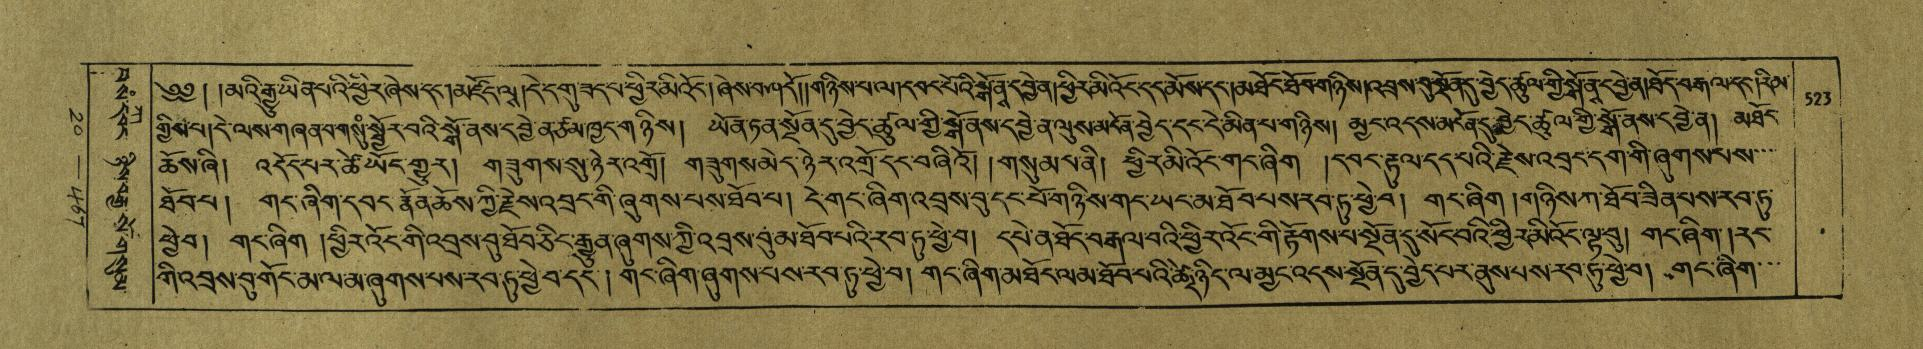༄༅། །མའི་རྒྱུ་ཡིན་པའི་ཕྱིར་ཞེས་དང་། མཛོད་ལས། དེ་དགུ་ཟད་པ་ཕྱིར་མིའོང་། ཞེས་བཤདོ། །གཉིས་པ་ལ། དབང་པོའི་སྒོ་ནས་དབྱེ་ན། ཕྱིར་མི་འོང་དད་མོས་དང་། མཐོང་ཐོབ་གཉིས། འབྲས་བུ་སྔོན་དུ་བྱེད་ཚུལ་གྱི་སྒོ་ནས་དབྱེ་ན། ཐོད་བརྒལ་དང་། རིམ་
གྱིས་པ། དེ་ལས་གཞན་བ་གསུཾ་སྦྱོར་བའི་སྒོ་ནས་དབྱེ་ན་ཙམ་ཁྱད་གཉིས། ཡོན་ཏན་སྔོན་དུ་བྱེད་ཚུལ་གྱི་སྒོ་ནས་དབྱེ་ན་ལུས་མངོན་བྱེད་དང་དེ་མིན་པ་གཉིས། མྱང་འདས་མངོན་དུ་བྱེད་ཚུལ་གྱི་སྒོ་ནས་དབྱེ་ན། མཐོང་
ཆོས་ཞི། འདོད་པར་ཚེ་ཡོང་གྱུར། གཟུགས་སུ་ཉེར་འགྲོ། གཟུགས་མེད་ཉེར་འགྲོ་དང་བཞིའོ། །གསུམ་པ་ནི། ཕྱིར་མི་འོང་གང་ཞིག །དབང་རྟུལ་དད་པའི་རྗེས་འབྲང་དག་གི་ཞུགས་པས་
ཐོབ་པ། གང་ཞིག་དབང་རྣོན་ཆོས་ཀྱི་རྗེས་འབྲང་གི་ཞུགས་པས་ཐོབ་པ། དེ་གང་ཞིག་འབྲས་བུ་དང་པོ་གཉིས་གང་ཡང་མ་ཐོབ་པས་རབ་ཏུ་ཕྱེ་བ། གང་ཞིག །གཉིས་ཀ་ཐོབ་ཟིན་པས་རབ་ཏུ་
ཕྱེ་བ། གང་ཞིག །ཕྱིར་འོང་གི་འབྲས་བུ་ཐོབ་ཅིང་རྒྱུན་ཞུགས་ཀྱི་འབྲས་བུ་མ་ཐོབ་པའི་རབ་ཏུ་ཕྱེ་བ། དཔེ་ན་ཐོད་བརྒལ་བའི་ཕྱིར་འོང་གི་རྟོགས་པ་སྔོན་དུ་སོང་བའི་ཕྱིར་མི་འོང་ལྟ་བུ། གང་ཞིག །རང་
གི་འབྲས་བུ་གོང་མ་ལ་མ་ཞུགས་པས་རབ་ཏུ་ཕྱེ་བ་དང་། གང་ཞིག་ཞུགས་པས་རབ་ཏུ་ཕྱེ་བ། གང་ཞིག་མཐོང་ལམ་ཐོབ་པའི་ཚེ་དེ་ཉིད་ལ་མྱང་འདས་སྔོན་དུ་བྱེད་པར་ནུས་པས་རབ་ཏུ་ཕྱེ་བ། གང་ཞིག་